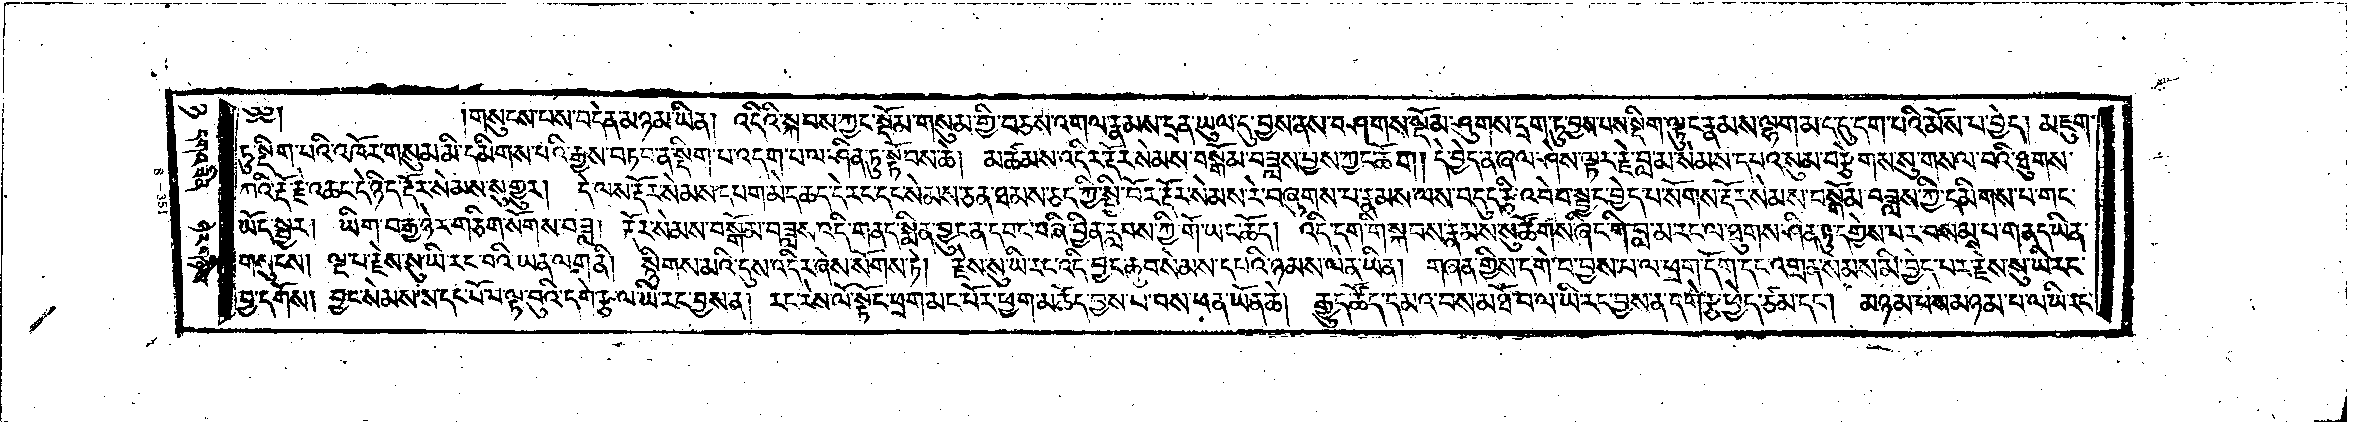༄༅། །གསུངས་པས་བདེན་མཉམ་ཡིན། འདིའི་སྐབས་ཀྱང་སྡོམ་གསུམ་གྱི་བཅས་འགལ་རྣམས་དྲན་ཡུལ་དུ་བྱས་ནས་བཤགས་སྡོམ་ཤུགས་དྲག་ཏུ་བྱས་པས་སྡིག་ལྟུང་རྣམས་ལྷག་མེད་དུ་དག་པའི་མོས་པ་བྱེད། མཇུག་
ཏུ་སྡིག་པའི་འཁོར་གསུམ་མི་དམིགས་པའི་རྒྱས་བཏབ་ན་སྡིག་པ་འདག་པ་ལ་ཤིན་ཏུ་སྟོབས་ཆེ། མཚམས་འདིར་རྡོར་སེམས་བསྒོམ་བཟླས་བྱས་ཀྱང་ཆོག །དེ་བྱེད་ན་ཞལ་ཤེས་ལྟར་རྗེ་བླ་མ་སེམས་དཔའ་སུམ་བརྩེགས་སུ་གསལ་བའི་ཐུགས་
ཀའི་རྡོ་རྗེ་འཆང་དེ་ཉིད་རྡོར་སེམས་སུ་གྱུར། དེ་ལས་རྡོར་སེམས་དཔག་མེད་ཆད་དེ་རང་དང་སེམས་ཅན་ཐམས་ཅད་ཀྱི་སྤྱི་བོར་རྡོར་སེམས་རེ་བཞུགས་པ་རྣམས་ལས་བདུད་རྩི་འབེབ་སྦྱང་བྱེད་པ་སོགས་རྡོར་སེམས་བསྒོམ་བཟླས་ཀྱི་དམིགས་པ་གང་
ཡོད་སྦྱར། ཡིག་བརྒྱ་ཉེར་གཅིག་སོགས་བཟླ། རྡོར་སེམས་བསྒོམ་བཟླས་འདི་གནད་སྨིན་བྱུང་ན་དབང་བཞི་བྱིན་རླབས་ཀྱི་གོ་ཡང་ཆོད། འདི་དག་གི་སྐབས་རྣམས་སུ་ཚོགས་ཞིང་གི་བླ་མ་རང་ལ་ཐུགས་ཤིན་ཏུ་དགྱེས་པར་བསམས་པ་གནད་ཡིན་
གསུངས། ལྔ་པ་རྗེས་སུ་ཡི་རང་པའི་ཡན་ལག་ནི། སྙིགས་མའི་དུས་འདིར་ཞེས་སོགས་ཏེ། རྗེས་སུ་ཡི་རང་འདི་བྱང་ཆུབ་སེམས་དཔའི་ཉམས་ལེན་ཡིན། གཞན་གྱིས་དགེ་བ་བྱས་པ་ལ་ཕྲག་དོག་དང་འགྲན་སེམས་མི་བྱེད་པར་རྗེས་སུ་ཡི་རང་
བྱ་དགོས། བྱང་སེམས་ས་དང་པོ་བ་ལྟ་བུའི་དགེ་རྩ་ལ་ཡི་རང་བྱས་ན། རང་རེས་ལོ་སྟོང་ཕྲག་མང་པོར་ཕྱག་མཆོད་བྱས་པ་བས་ཕན་ཡོན་ཆེ། རྒྱུད་ཚོད་དམའ་བས་མཐོ་བ་ལ་ཡི་རང་བྱས་ན་དགེ་རྩ་ཕྱེད་ཙམ་དང་། མཉམ་པས་མཉམ་པ་ལ་ཡི་རང་